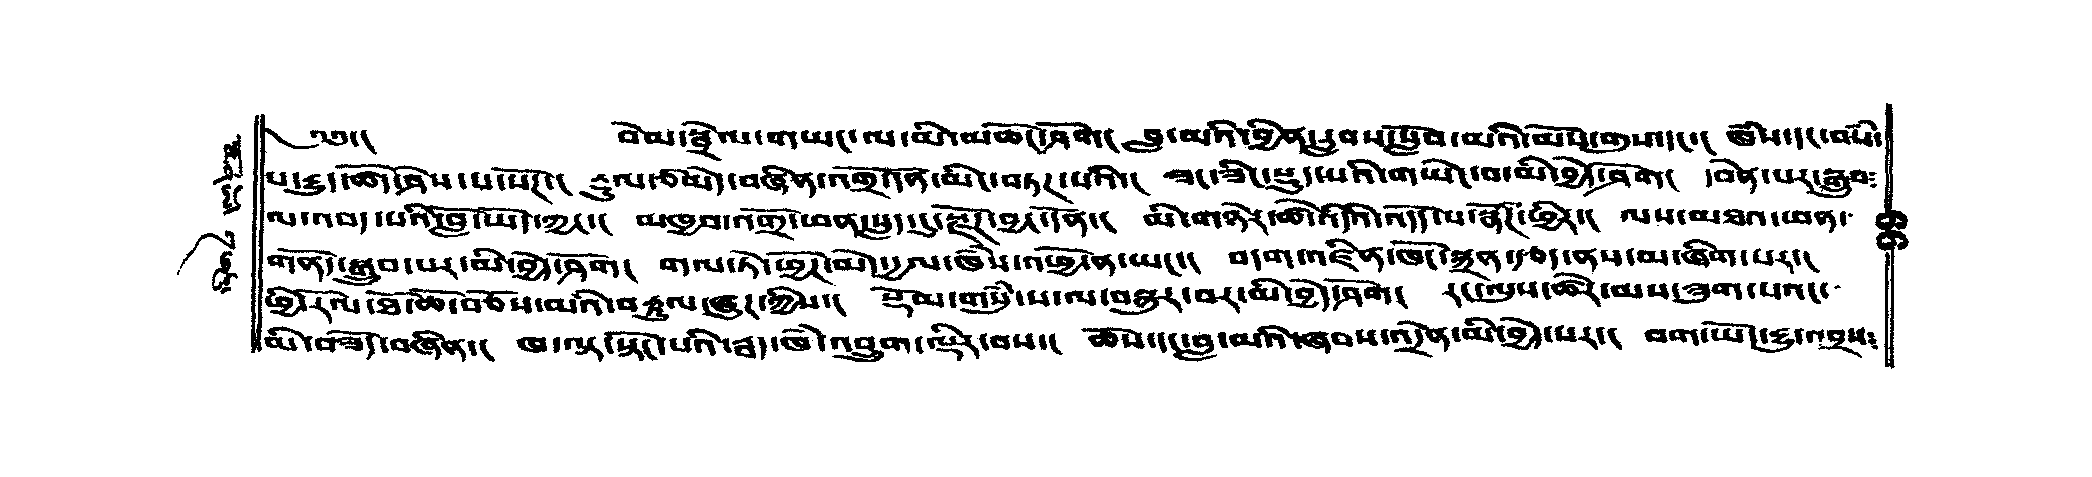བེ་སྦྲེལ་གཡང་ལ་མི་མཆོང་ཤོག །བླ་མའི་བྱིན་རླབས་སློབ་མའི་མོས་གུས་དང་། །ཁམས་དང་བསམ་
པ་རྒྱུད་ཚོད་ཤེས་པ་སོགས། །རྡུལ་ཙམ་མེད་བཞིན་འགྲོ་དོན་མིང་བཏགས་པའི། །ཟང་ཟིང་སྡུད་པའི་གཡེང་བ་མི་བྱེད་ཤོག། དབེན་པར་སྒྲུབ་
ལ་འབད་པའི་བློ་ཡོད་ཀྱང་། །མཁའ་ཁྱབ་འགྲོ་ཕན་སླད་དུ་རྫོགས་བྱང་དོན། །མི་གཉེར་ཚེ་འདིའི་འདོད་པ་སྣ་ཚོགས་ཕྱིར། །ལས་མཐའ་ཕན་
གནོད་སྒྲུབ་པར་མི་བྱེད་ཤོག །གལ་ཏེ་ཕྱོགས་མེད་རྒྱལ་ཁམས་འཕྱོ་ན་ཡང་། །བདག་འཛིན་ཁོང་སྐྲན་རྩད་ནས་མ་ཞིག་པར། །
ཕྱི་རོལ་ཐོ་ཅོ་བཅོས་མའི་བརྟུལ་ཞུགས་ཀྱིས། །སྡོམ་གསུམ་ས་ལ་བསྐུར་བར་མི་བྱེད་ཤོག །རང་ལུས་ཚེར་མས་ཟུག་པའང་
མི་བཟོད་བཞིན། །ཁ་ལྟ་སྟོང་པའི་རྦད་ཁམས་འབྲུག་ལྡིར་བས། །ཆོས་དང་བླ་མའི་ཞབས་འདྲེན་མི་བྱེད་པར། །བག་ཡོད་རྒྱུ་འབྲས་